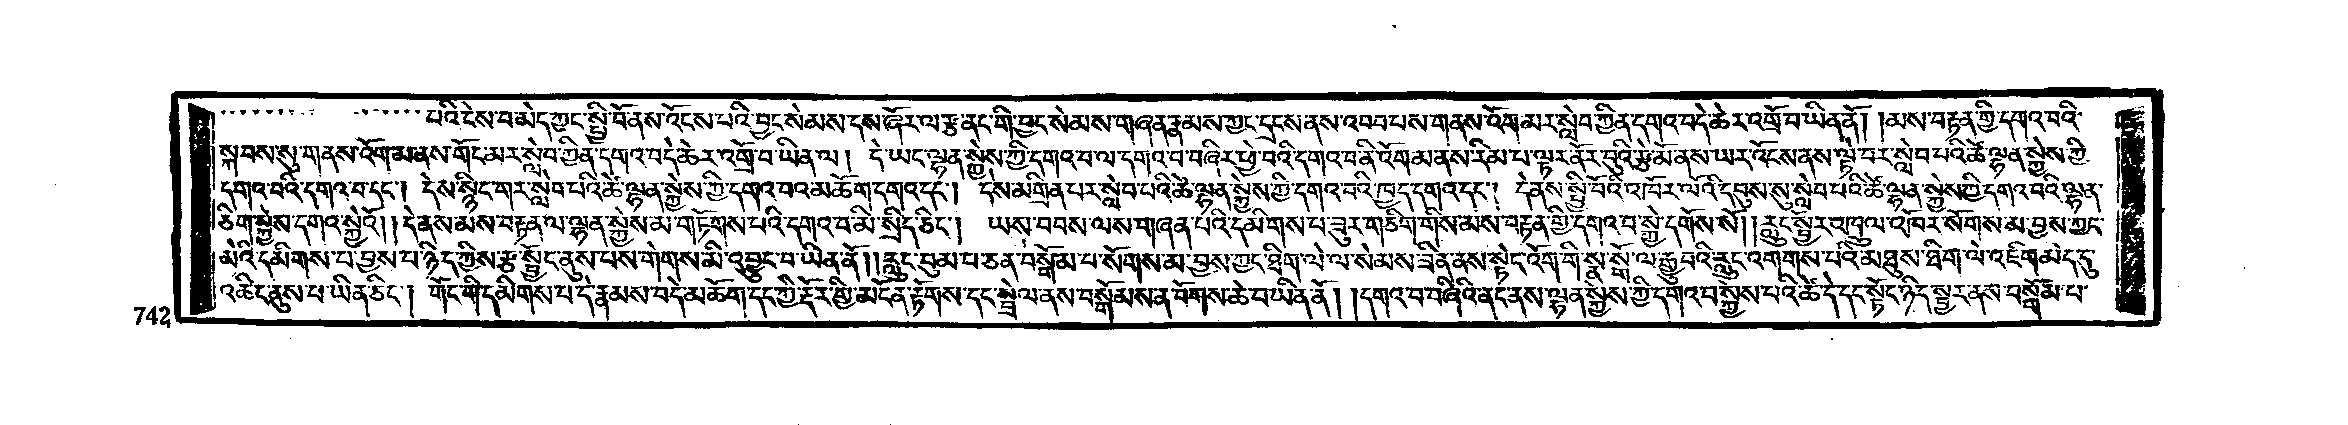པའི་ངེས་བ་མེད་ཀྱང་སྤྱི་བོ་ནས་འོངས་པའི་བྱང་སེམས་དེས་ཞོར་ལ་རྩ་ནང་གི་བྱང་སེམས་གཞན་རྣམས་ཀྱང་དྲངས་ནས་འབབ་པས་གནས་འོག་མར་སླེབ་ཀྱིན་དགའ་བདེ་ཆེར་འགྲོ་བ་ཡིན་ནོ། །མས་བརྟན་གྱི་དགའ་བའི་
སྐབས་སུ་གནས་འོག་མ་ནས་གོང་མར་སླེབ་ཀྱིན་དགའ་བདེ་ཆེར་འགྲོ་བ་ཡིན་ལ། དེ་ཡང་ལྷན་སྐྱེས་ཀྱི་དགའ་བ་ལ་དགའ་བ་བཞིར་ཕྱེ་བའི་དགའ་བ་ནི་འོག་མ་ནས་རིམ་པ་ལྟར་ནོར་བུའི་རྩེ་མོ་ནས་ཡར་འོངས་ནས་ལྟེ་བར་སླེབ་པའི་ཚེ་ལྷན་སྐྱེས་ཀྱི་
དགའ་བའི་དགའ་བ་དང་། དེས་སྙིང་གར་སླེབ་པའི་ཚེ་ལྷན་སྐྱེས་ཀྱི་དགའ་བའི་མཆོག་དགའ་དང་། དེས་མགྲིན་པར་སླེབ་པའི་ཚེ་ལྷན་སྐྱེས་ཀྱི་དགའ་བའི་ཁྱད་དགའ་དང་། དེ་ནས་སྤྱི་བོའི་འཁོར་ལོའི་དབུས་སུ་སླེབ་པའི་ཚེ་ལྷན་སྐྱེས་ཀྱི་དགའ་བའི་ལྷན་
ཅིག་སྐྱེས་དགའ་སྐྱེའོ། །དེ་ནས་མས་བརྟན་ལ་ལྷན་སྐྱེས་མ་གཏོགས་པའི་དགའ་བ་མི་སྲིད་ཅིང་། ཡས་བབས་ལས་གཞན་པའི་དམིགས་པ་ཟུར་གཅིག་གིས་མས་བརྟན་གྱི་དགའ་བ་སྐྱེ་དགོས་སོ། །རླུང་སྦྱོར་འཁྲུལ་འཁོར་སོགས་མ་བྱས་ཀྱང་
མེའི་དམིགས་པ་བྱས་པ་ཉིད་ཀྱིས་རྩ་སྦྱོང་ནུས་པས་གེགས་མི་འབྱུང་བ་ཡིན་ནོ། །རླུང་བུམ་པ་ཅན་བསྒོམ་པ་སོགས་མ་བྱས་ཀྱང་ཐིག་ལེ་ལ་སེམས་ཟིན་ནས་སྟེང་འོག་གི་སྣ་སྒོ་ལ་རྒྱུ་བའི་རླུང་འགགས་པའི་མཐུས་ཐིག་ལེ་འཛག་མེད་དུ་
འཆིང་ནུས་པ་ཡིན་ཅིང་། གོང་གི་དམིགས་པ་དེ་རྣམས་བདེ་མཆོག་དང་ཀྱཻ་རྡོར་གྱི་མངོན་རྟོགས་དང་སྦྲེལ་ནས་བསྒོམས་ན་བོགས་ཆེ་བ་ཡིན་ནོ། །དགའ་བ་བཞིའི་ནང་ནས་ལྷན་སྐྱེས་ཀྱི་དགའ་བ་སྐྱེས་པའི་ཚེ་དེ་དང་སྟོང་ཉིད་སྦྱར་ནས་བསྒོམ་པ་